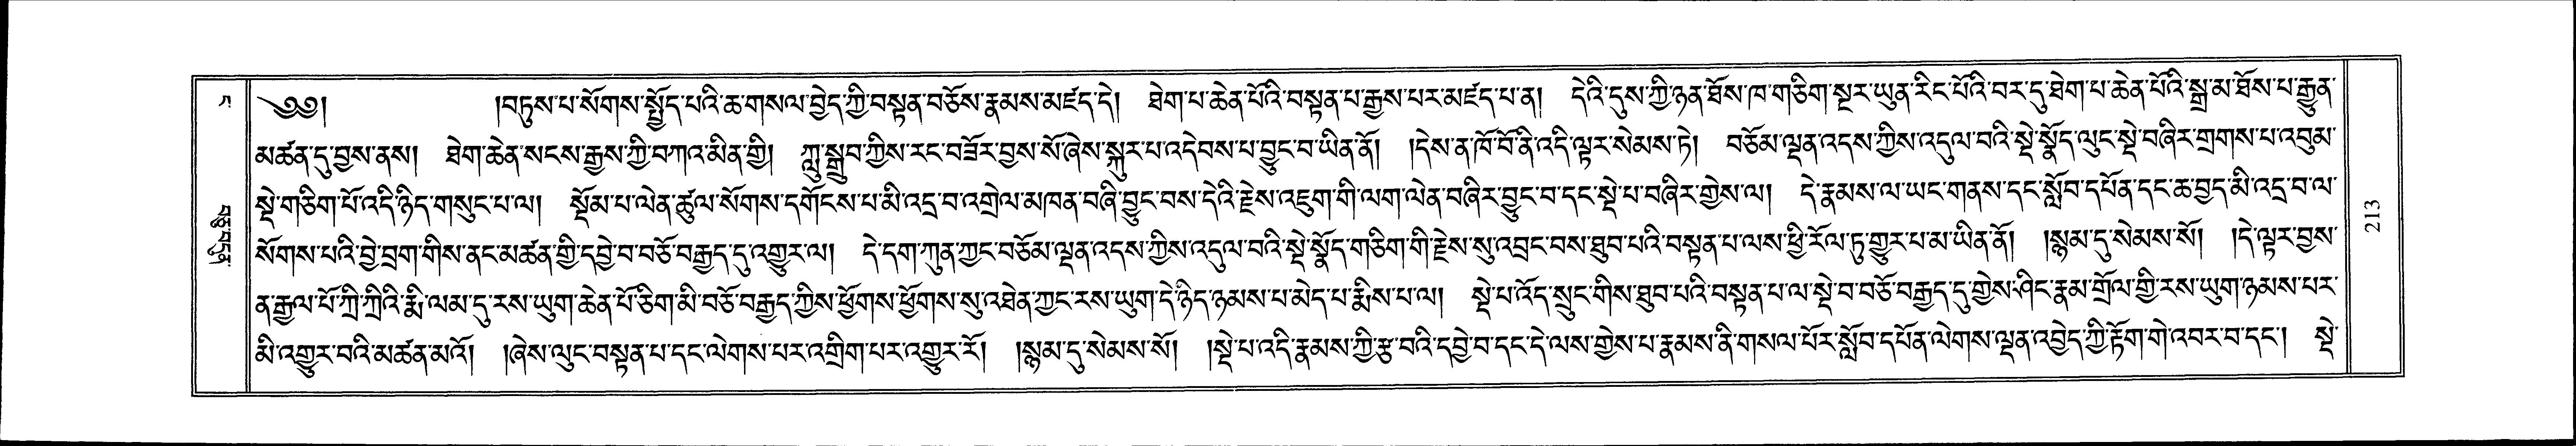༄༅། །བཏུས་པ་སོགས་སྤྱོད་པའི་ཆ་གསལ་བྱེད་ཀྱི་བསྟན་བཅོས་རྣམས་མཛད་དེ། ཐེག་པ་ཆེན་པོའི་བསྟན་པ་རྒྱས་པར་མཛད་པ་ན། དེའི་དུས་ཀྱི་ཉན་ཐོས་ཁ་གཅིག་སྔར་ཡུན་རིང་པོའི་བར་དུ་ཐེག་པ་ཆེན་པོའི་སྒྲ་མ་ཐོས་པ་རྒྱུན་
མཚན་དུ་བྱས་ནས། ཐེག་ཆེན་སངས་རྒྱས་ཀྱི་བཀའ་མིན་གྱི། ཀླུ་སྒྲུབ་ཀྱིས་རང་བཟོར་བྱས་སོ་ཞེས་སྐུར་པ་འདེབས་པ་བྱུང་བ་ཡིན་ནོ། །དེས་ན་ཁོ་བོ་ནི་འདི་ལྟར་སེམས་ཏེ། བཅོམ་ལྡན་འདས་ཀྱིས་འདུལ་བའི་སྡེ་སྣོད་ལུང་སྡེ་བཞིར་གྲགས་པ་འབུམ་
སྡེ་གཅིག་པོ་འདི་ཉིད་གསུང་པ་ལ། སྡོམ་པ་ལེན་ཚུལ་སོགས་དགོངས་པ་མི་འདྲ་བ་འགྲེལ་མཁན་བཞི་བྱུང་བས་དེའི་རྗེས་འཇུག་གི་ལག་ལེན་བཞིར་བྱུང་བ་དང་སྡེ་པ་བཞིར་གྱེས་ལ། དེ་རྣམས་ལ་ཡང་གནས་དང་སློབ་དཔོན་དང་ཆ་བྱད་མི་འདྲ་བ་ལ་
སོགས་པའི་བྱེ་བྲག་གིས་ནང་མཚན་གྱི་དབྱེ་བ་བཅོ་བརྒྱད་དུ་འགྱུར་ལ། དེ་དག་ཀུན་ཀྱང་བཅོམ་ལྡན་འདས་ཀྱིས་འདུལ་བའི་སྡེ་སྣོད་གཅིག་གི་རྗེས་སུ་འབྲང་བས་ཐུབ་པའི་བསྟན་པ་ལས་ཕྱི་རོལ་ཏུ་གྱུར་པ་མ་ཡིན་ནོ། །སྙམ་དུ་སེམས་སོ། །དེ་ལྟར་བྱས་
ན་རྒྱལ་པོ་ཀྲི་ཀྲིའི་རྨི་ལམ་དུ་རས་ཡུག་ཆེན་པོ་ཅིག་མི་བཅོ་བརྒྱད་ཀྱིས་ཕྱོགས་ཕྱོགས་སུ་འཐེན་ཀྱང་རས་ཡུག་དེ་ཉིད་ཉམས་པ་མེད་པ་རྨིས་པ་ལ། སྡེ་པ་འོད་སྲུང་གིས་ཐུབ་པའི་བསྟན་པ་ལ་སྡེ་བ་བཅོ་བརྒྱད་དུ་གྱེས་ཤིང་རྣམ་གྲོལ་གྱི་རས་ཡུག་ཉམས་པར་
མི་འགྱུར་བའི་མཚན་མའོ། །ཞེས་ལུང་བསྟན་པ་དང་ལེགས་པར་འགྲིག་པར་འགྱུར་རོ། །སྙམ་དུ་སེམས་སོ། །སྡེ་པ་འདི་རྣམས་ཀྱི་རྩ་བའི་དབྱེ་བ་དང་དེ་ལས་གྱེས་པ་རྣམས་ནི་གསལ་པོར་སློབ་དཔོན་ལེགས་ལྡན་འབྱེད་ཀྱི་རྟོག་གེ་འབར་བ་དང་། སྡེ་